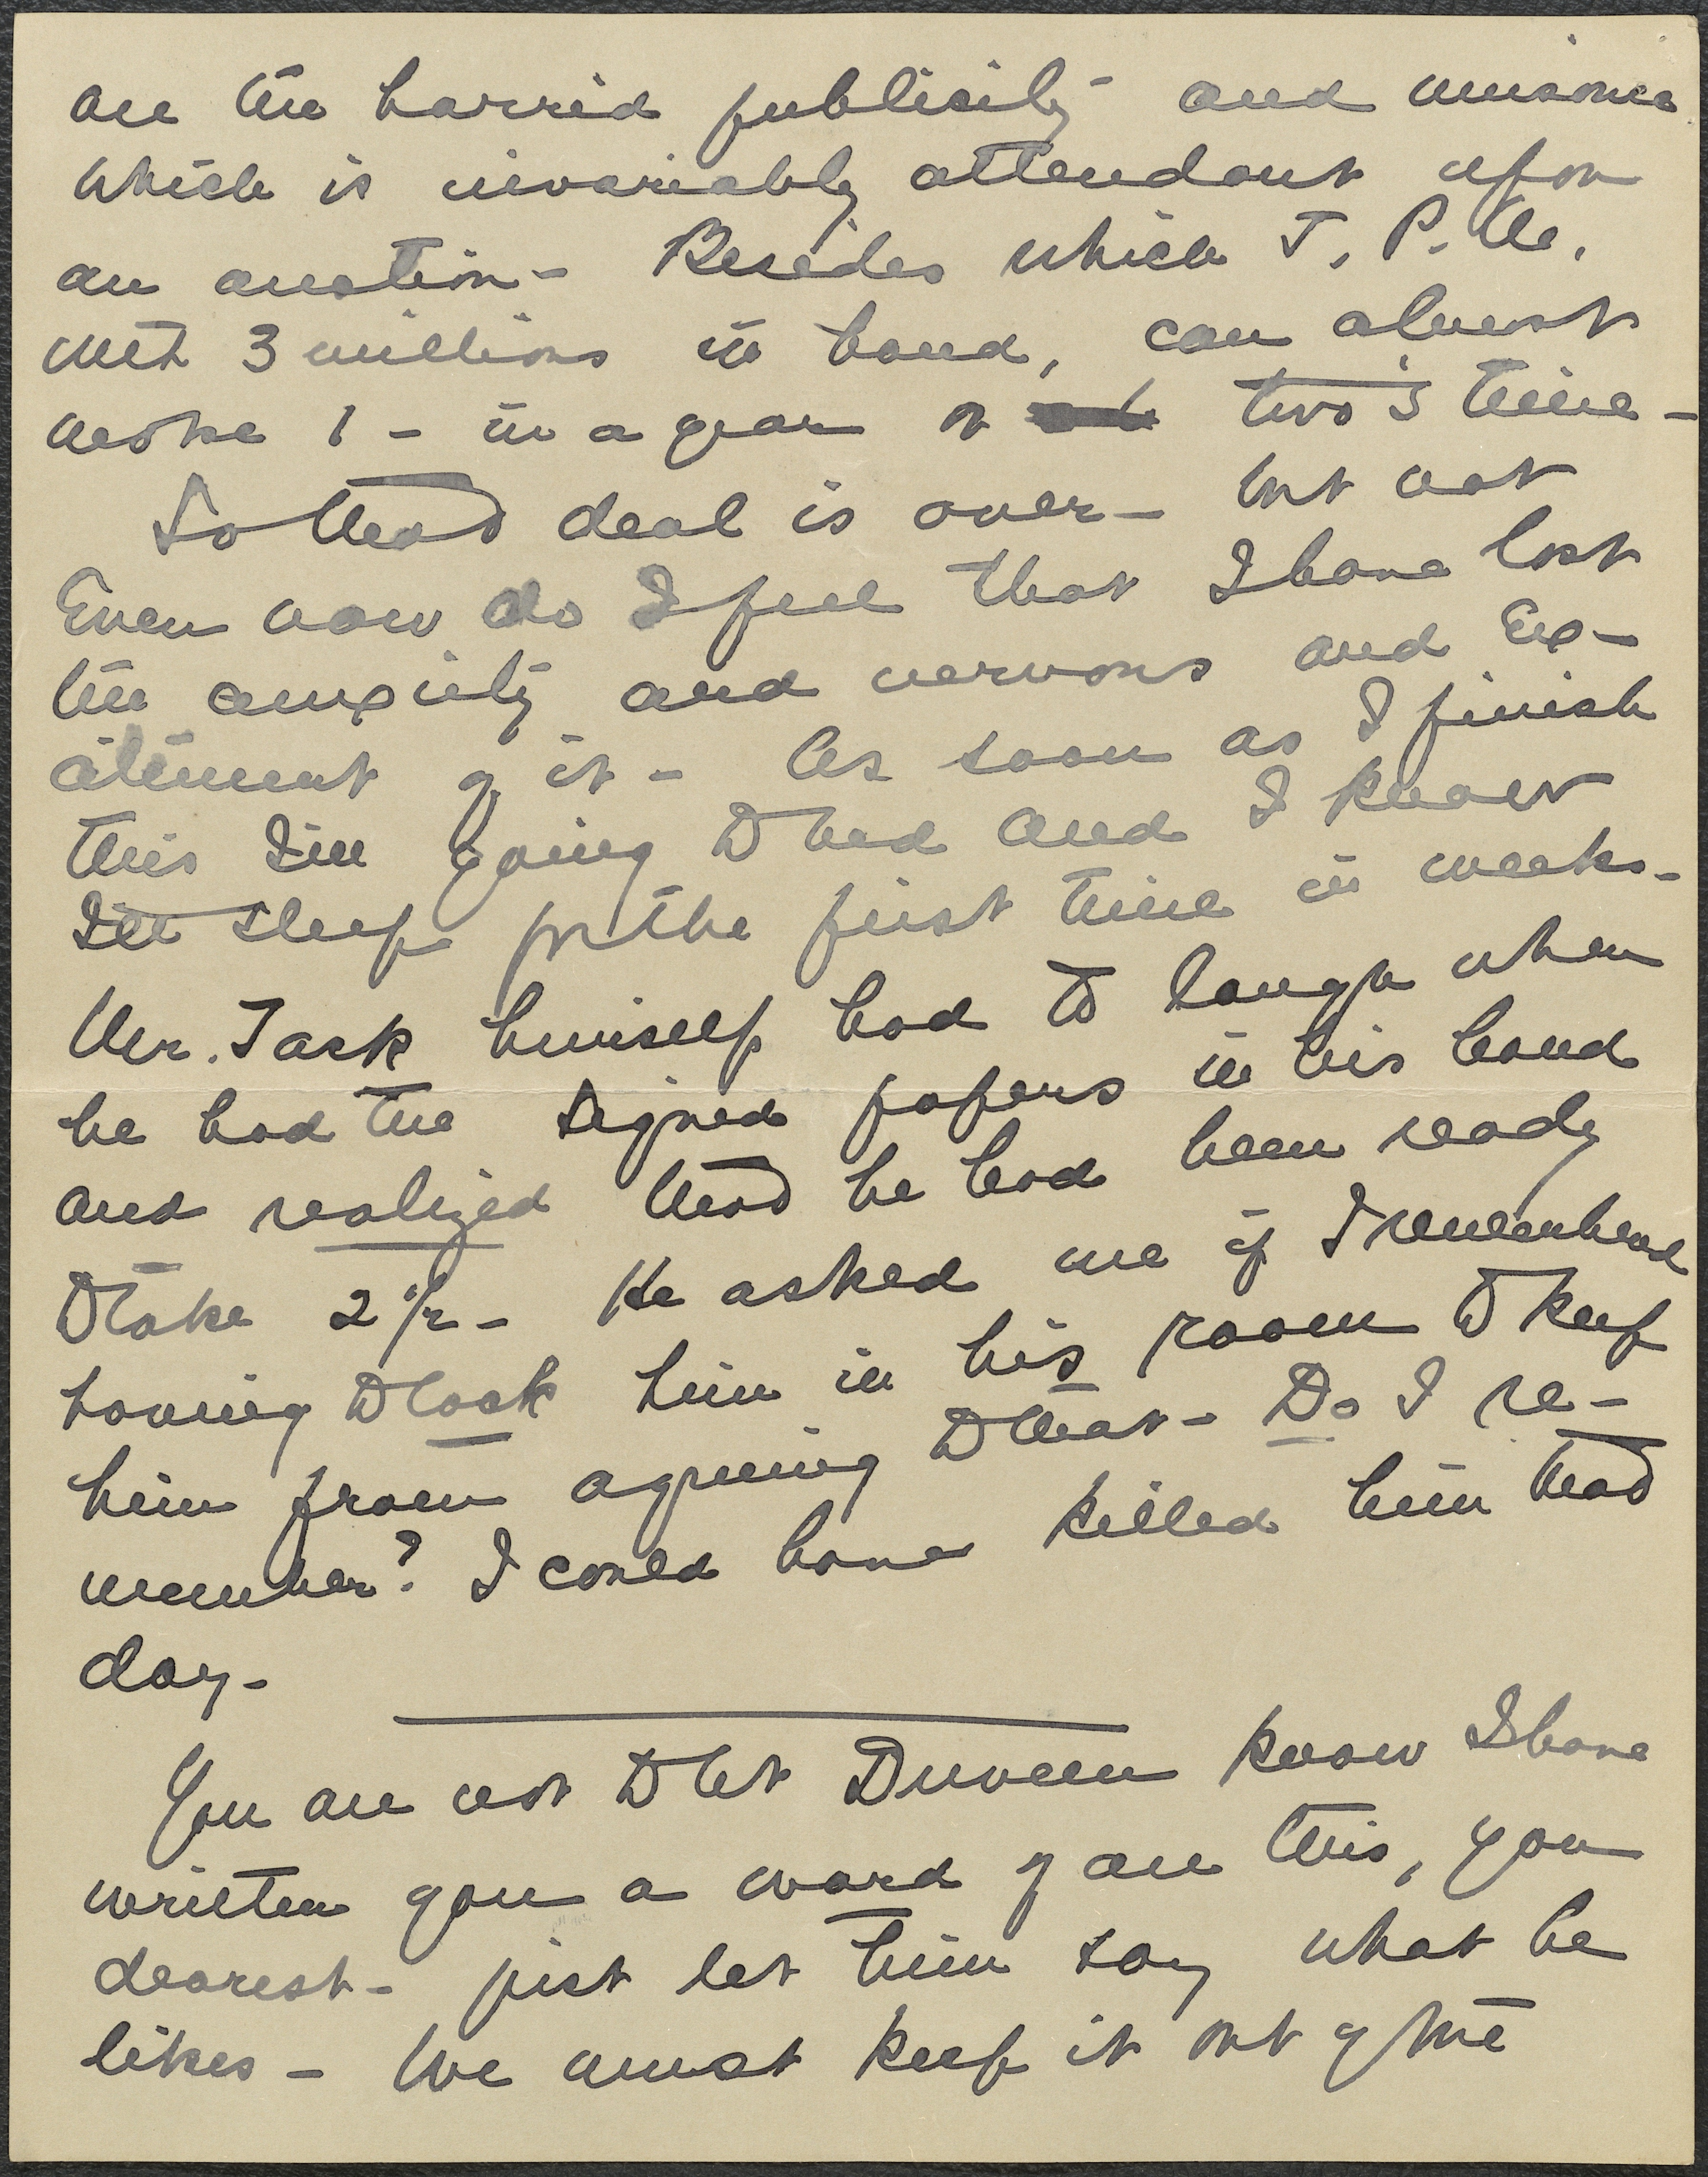all the horrid publicity – and nuisance which is invariably attendant upon an auction – Besides which J.P.M. with 3 millions in hand, can almost make 1 – in a year or [illegible deletion] two’s time –
So that deal is over – but not even now do I feel that I have lost the anxiety and nervous [sic] and excitement of it – as soon as I finish this I’m going to bed and I know I’ll sleep for the first time in weeks – Mr. Jack himself had to laugh when he had the signed papers in his hand and realized that he had been ready to take 2 ½ – He asked me if I remembered having to lock him in his room to keep him from agreeing to that – Do I remember? I could have killed him that day. –
You are not to let Duveen know I have written you a word of all this, you dearest – just let him say what he likes – we must keep it out of the